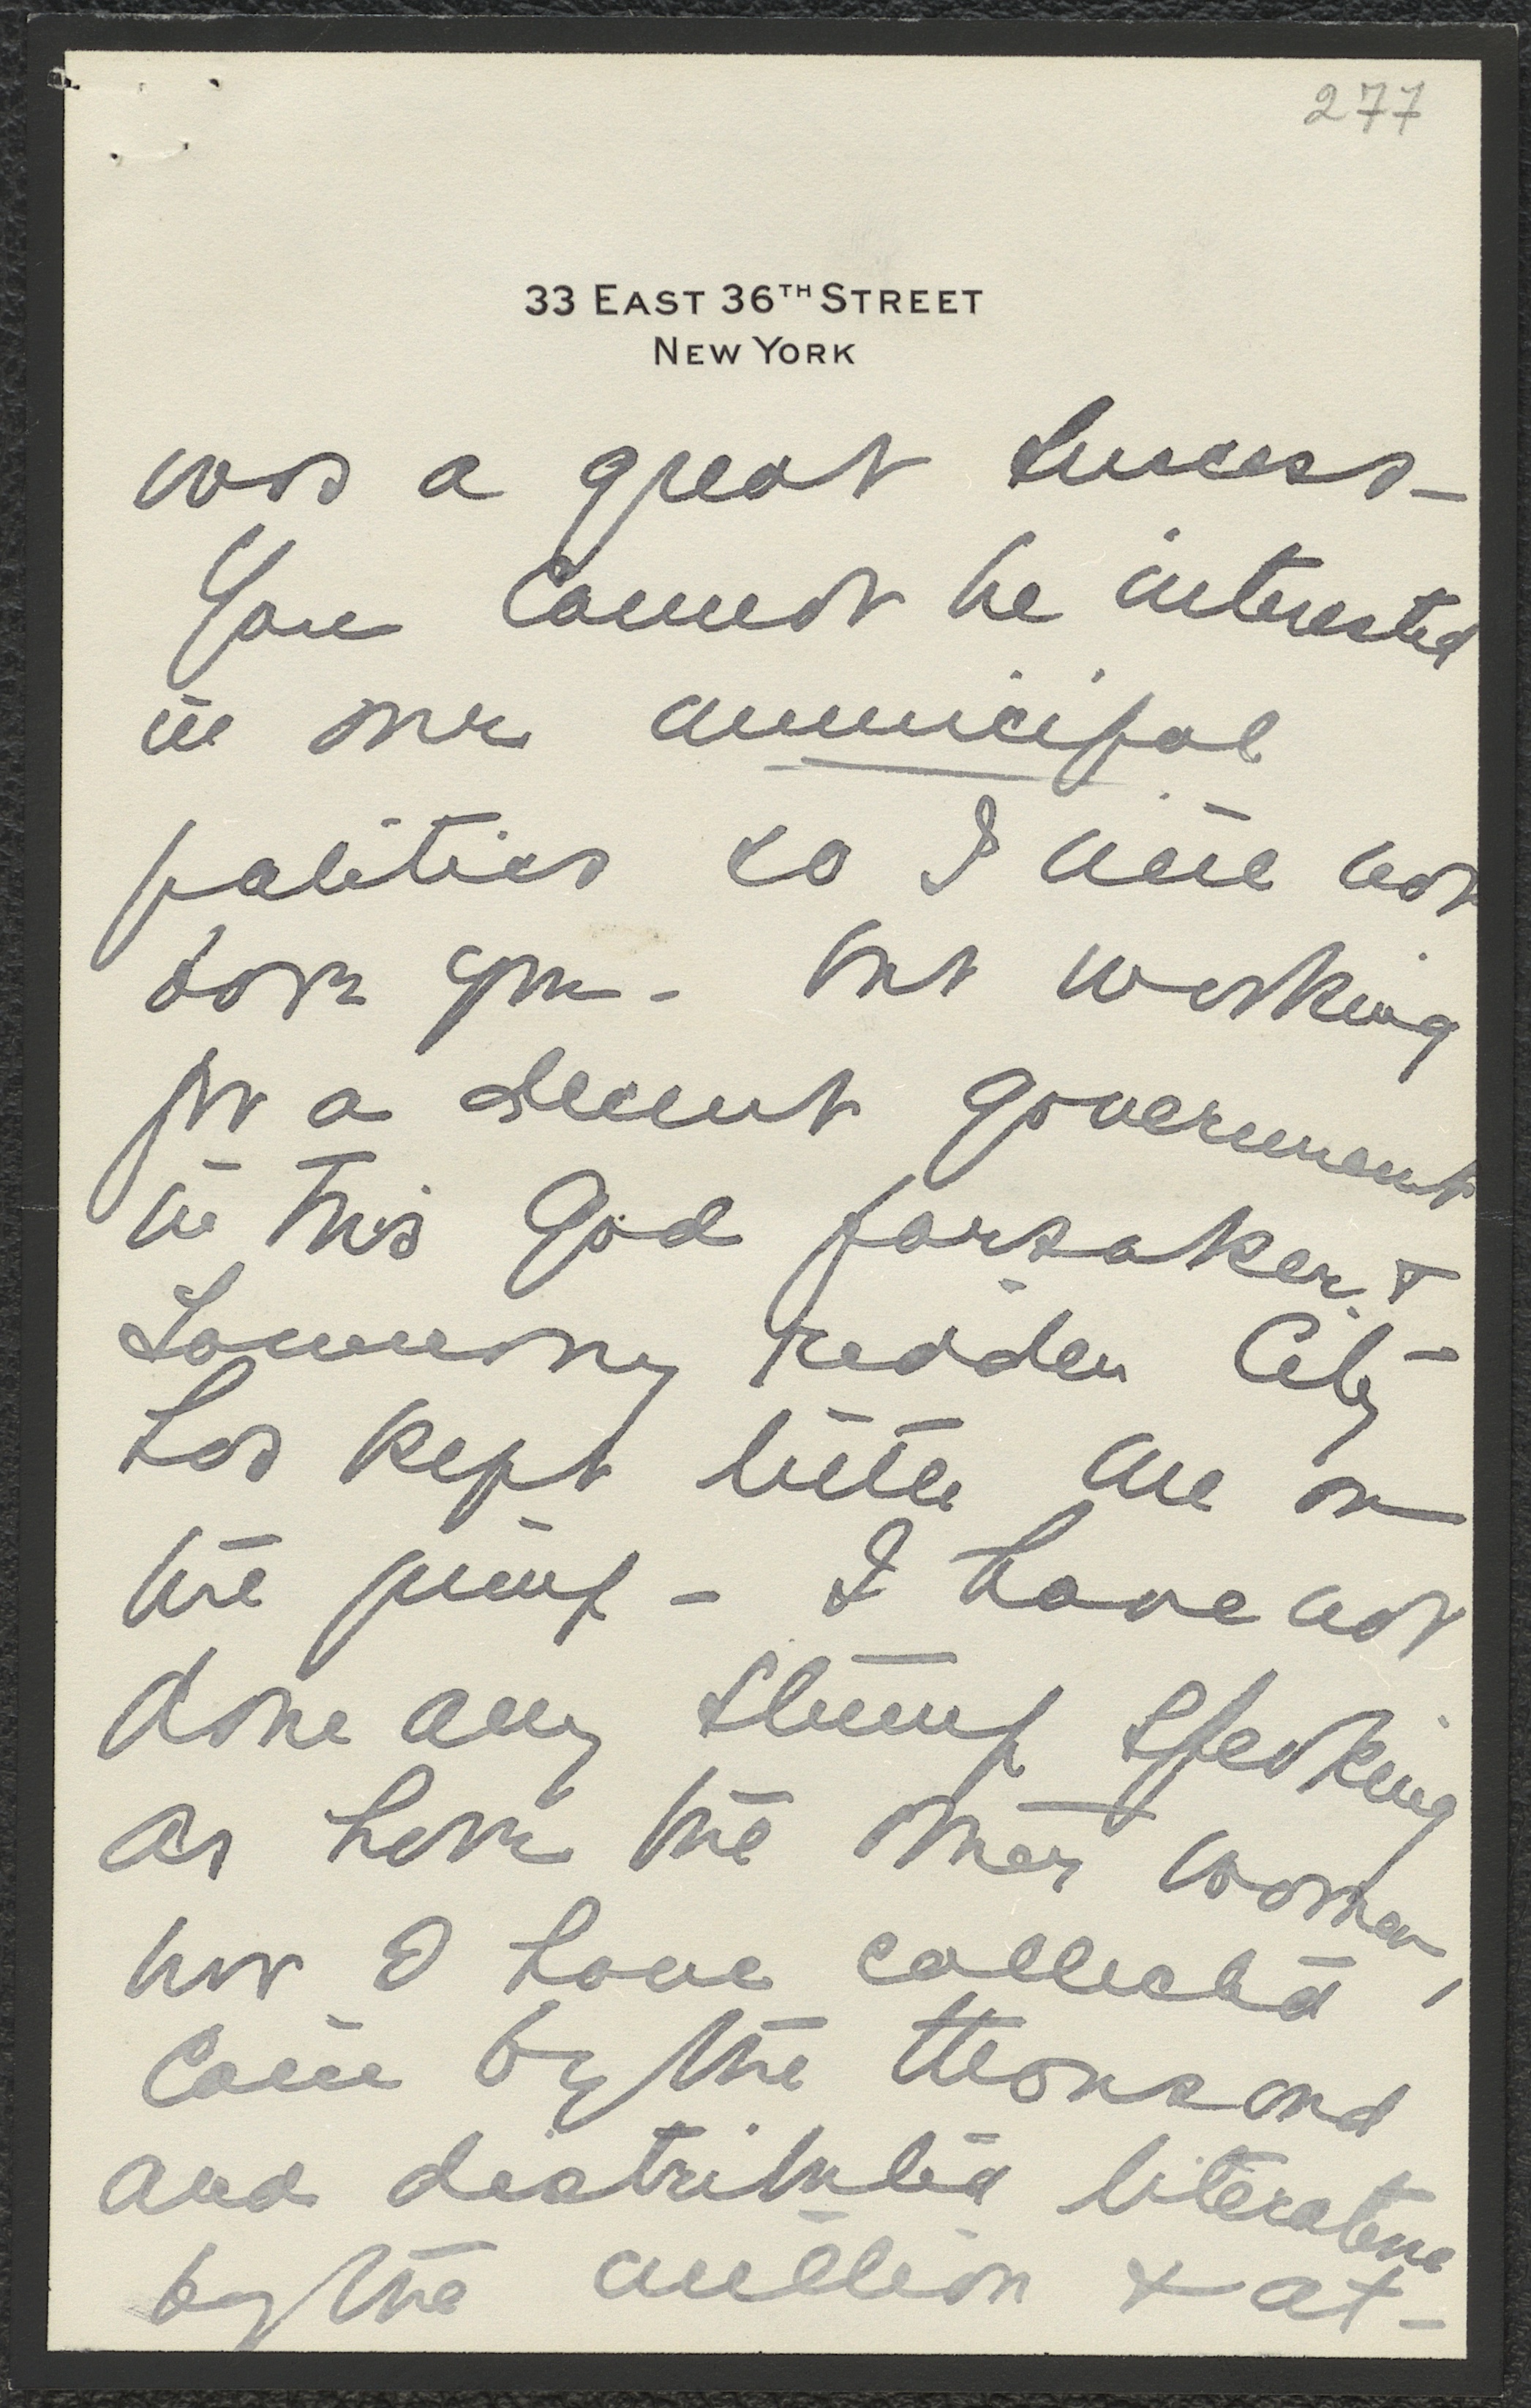was a great success –
You cannot be interested in our municipal politics so I will not bore you – but working for a decent government in this God forsaken & Tammany ridden city has kept little me on the jump – I have not done any stump speaking as have the other women, but I have collected coin by the thousand and distributed literature by the million & attended